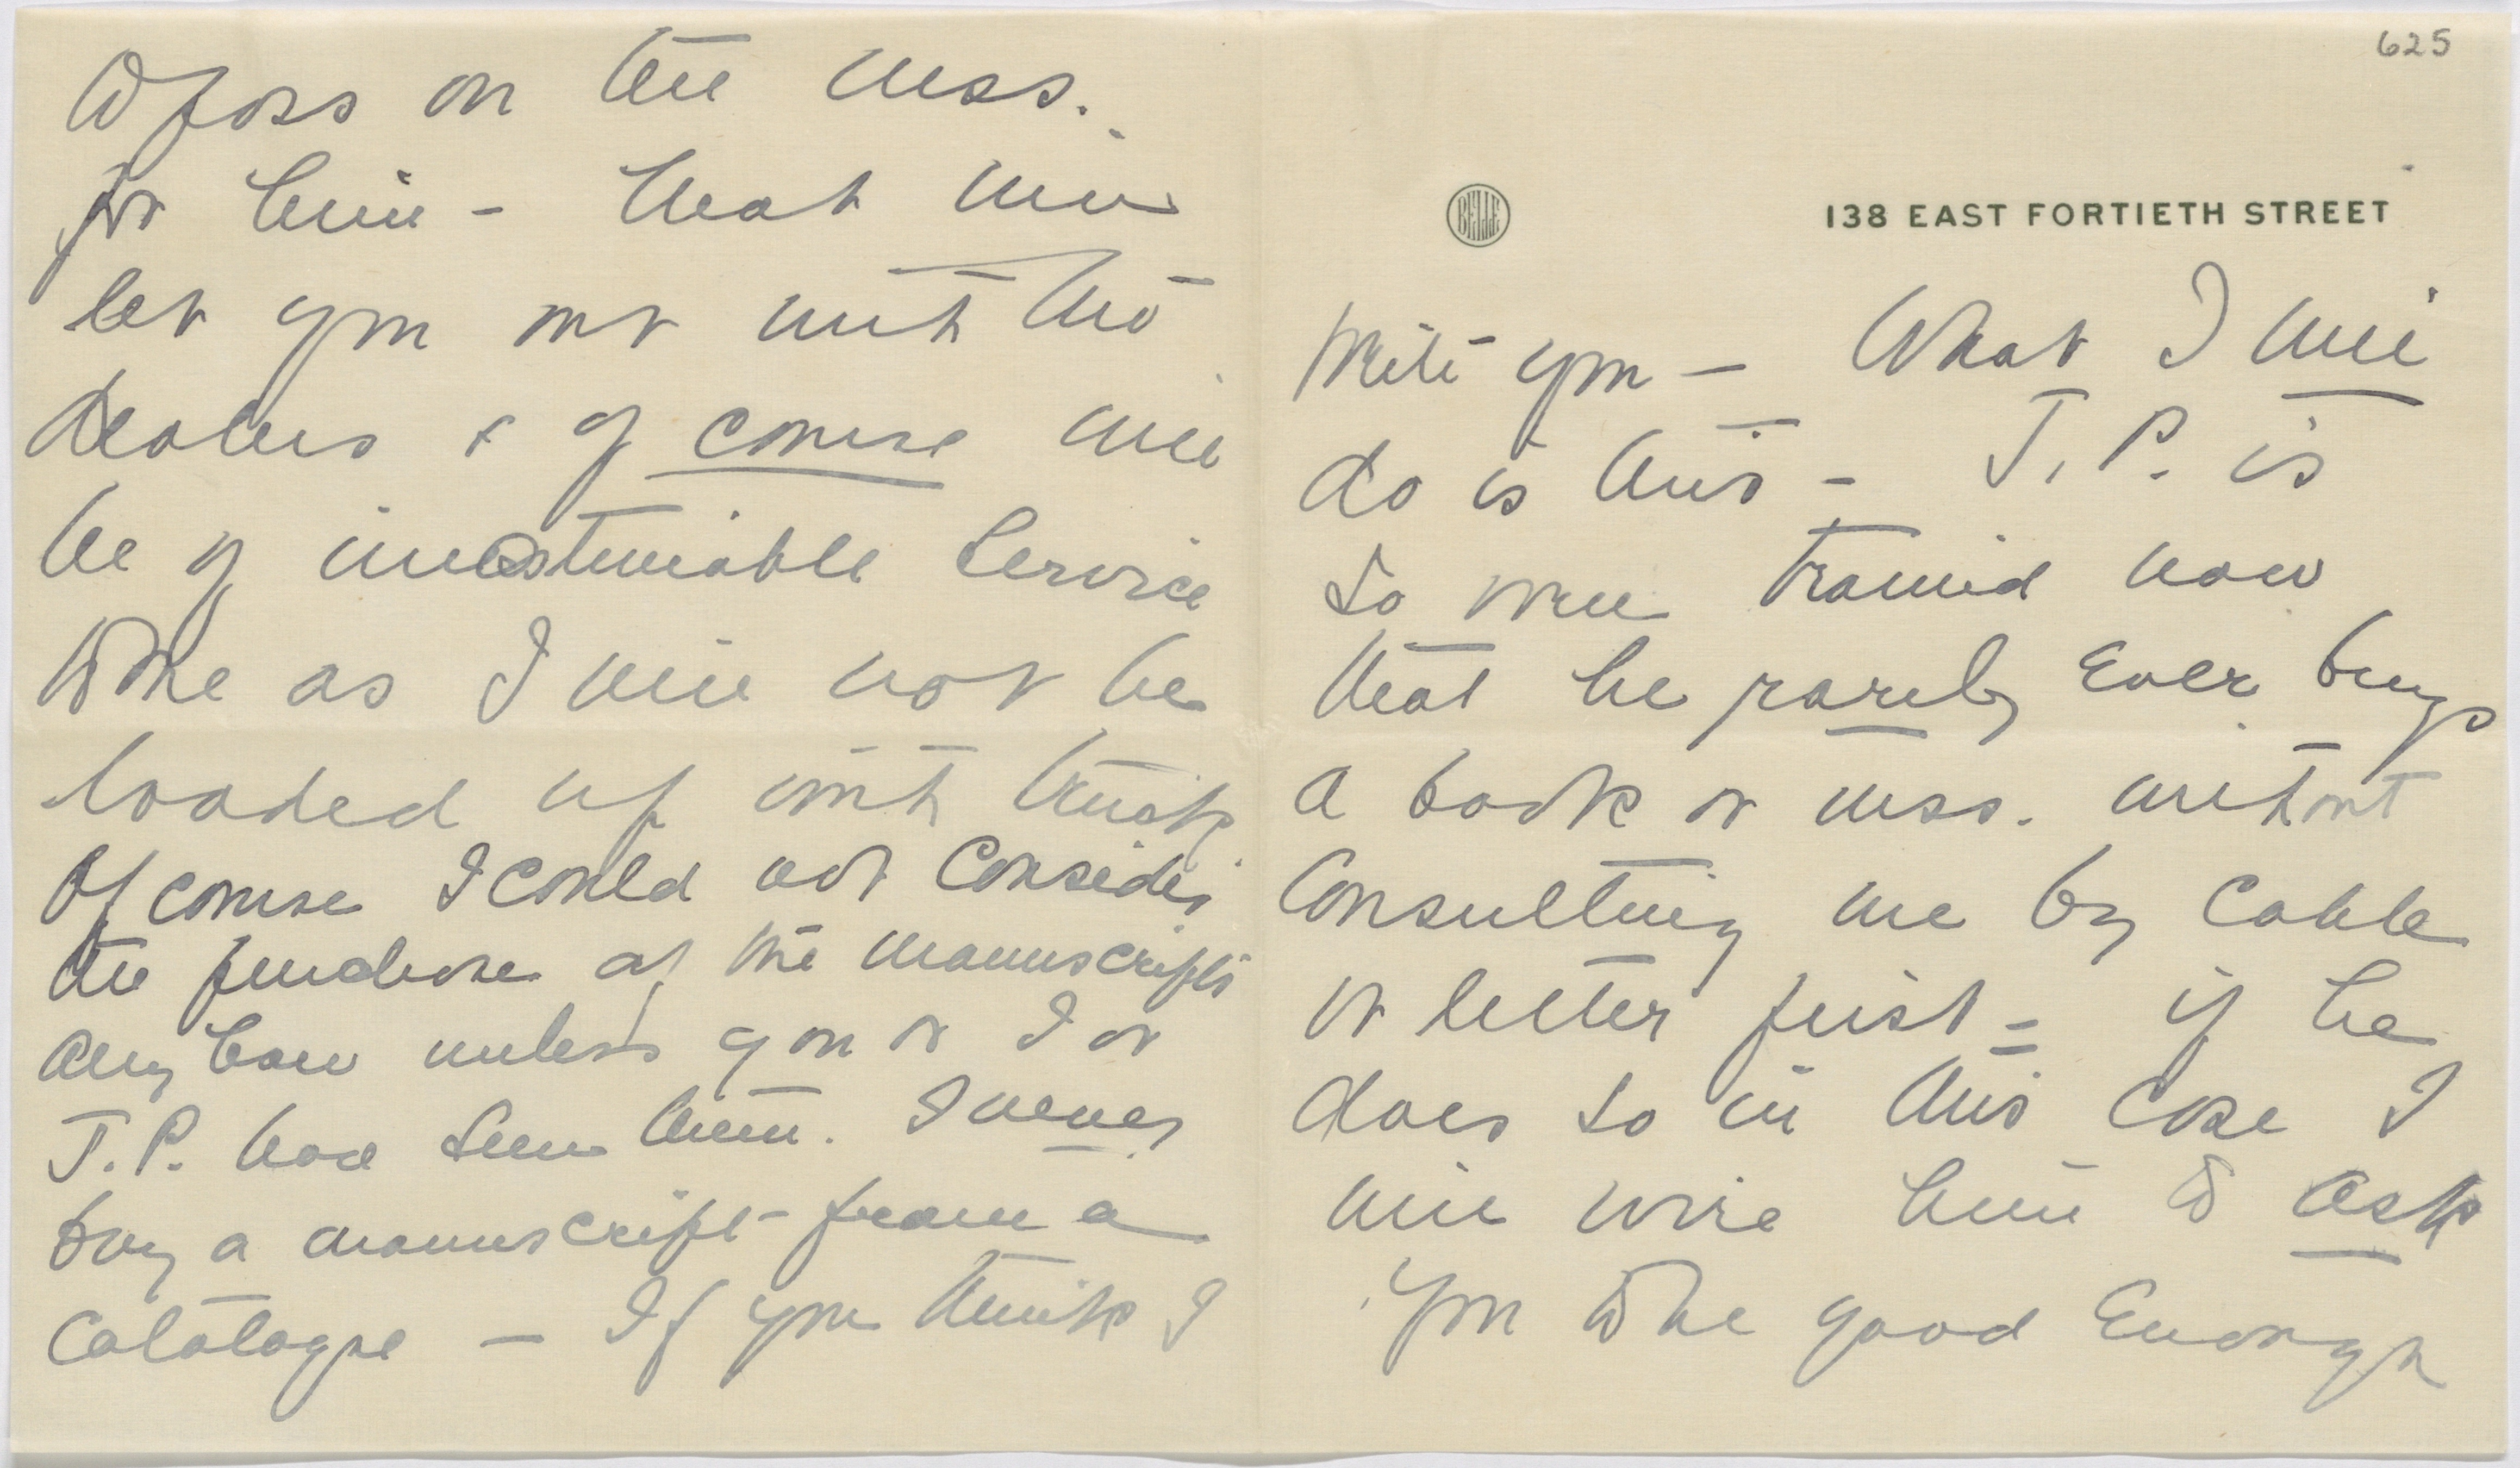write you – What I will do is this – J. P. is so well trained now that he rarely ever buys a book or mss. without consulting me by cable or letter first – if he does so in this case I will wire him to ask you to be good enough
to pass on the mss. for him – That will let you out with the dealers & of course will be of inestimable service to me as I will not be loaded up with truck. Of course I could not consider the purchase of the manuscripts anyhow unless you or I or J. P. had seen them. I never buy a manuscript from a catalogue – If you think I